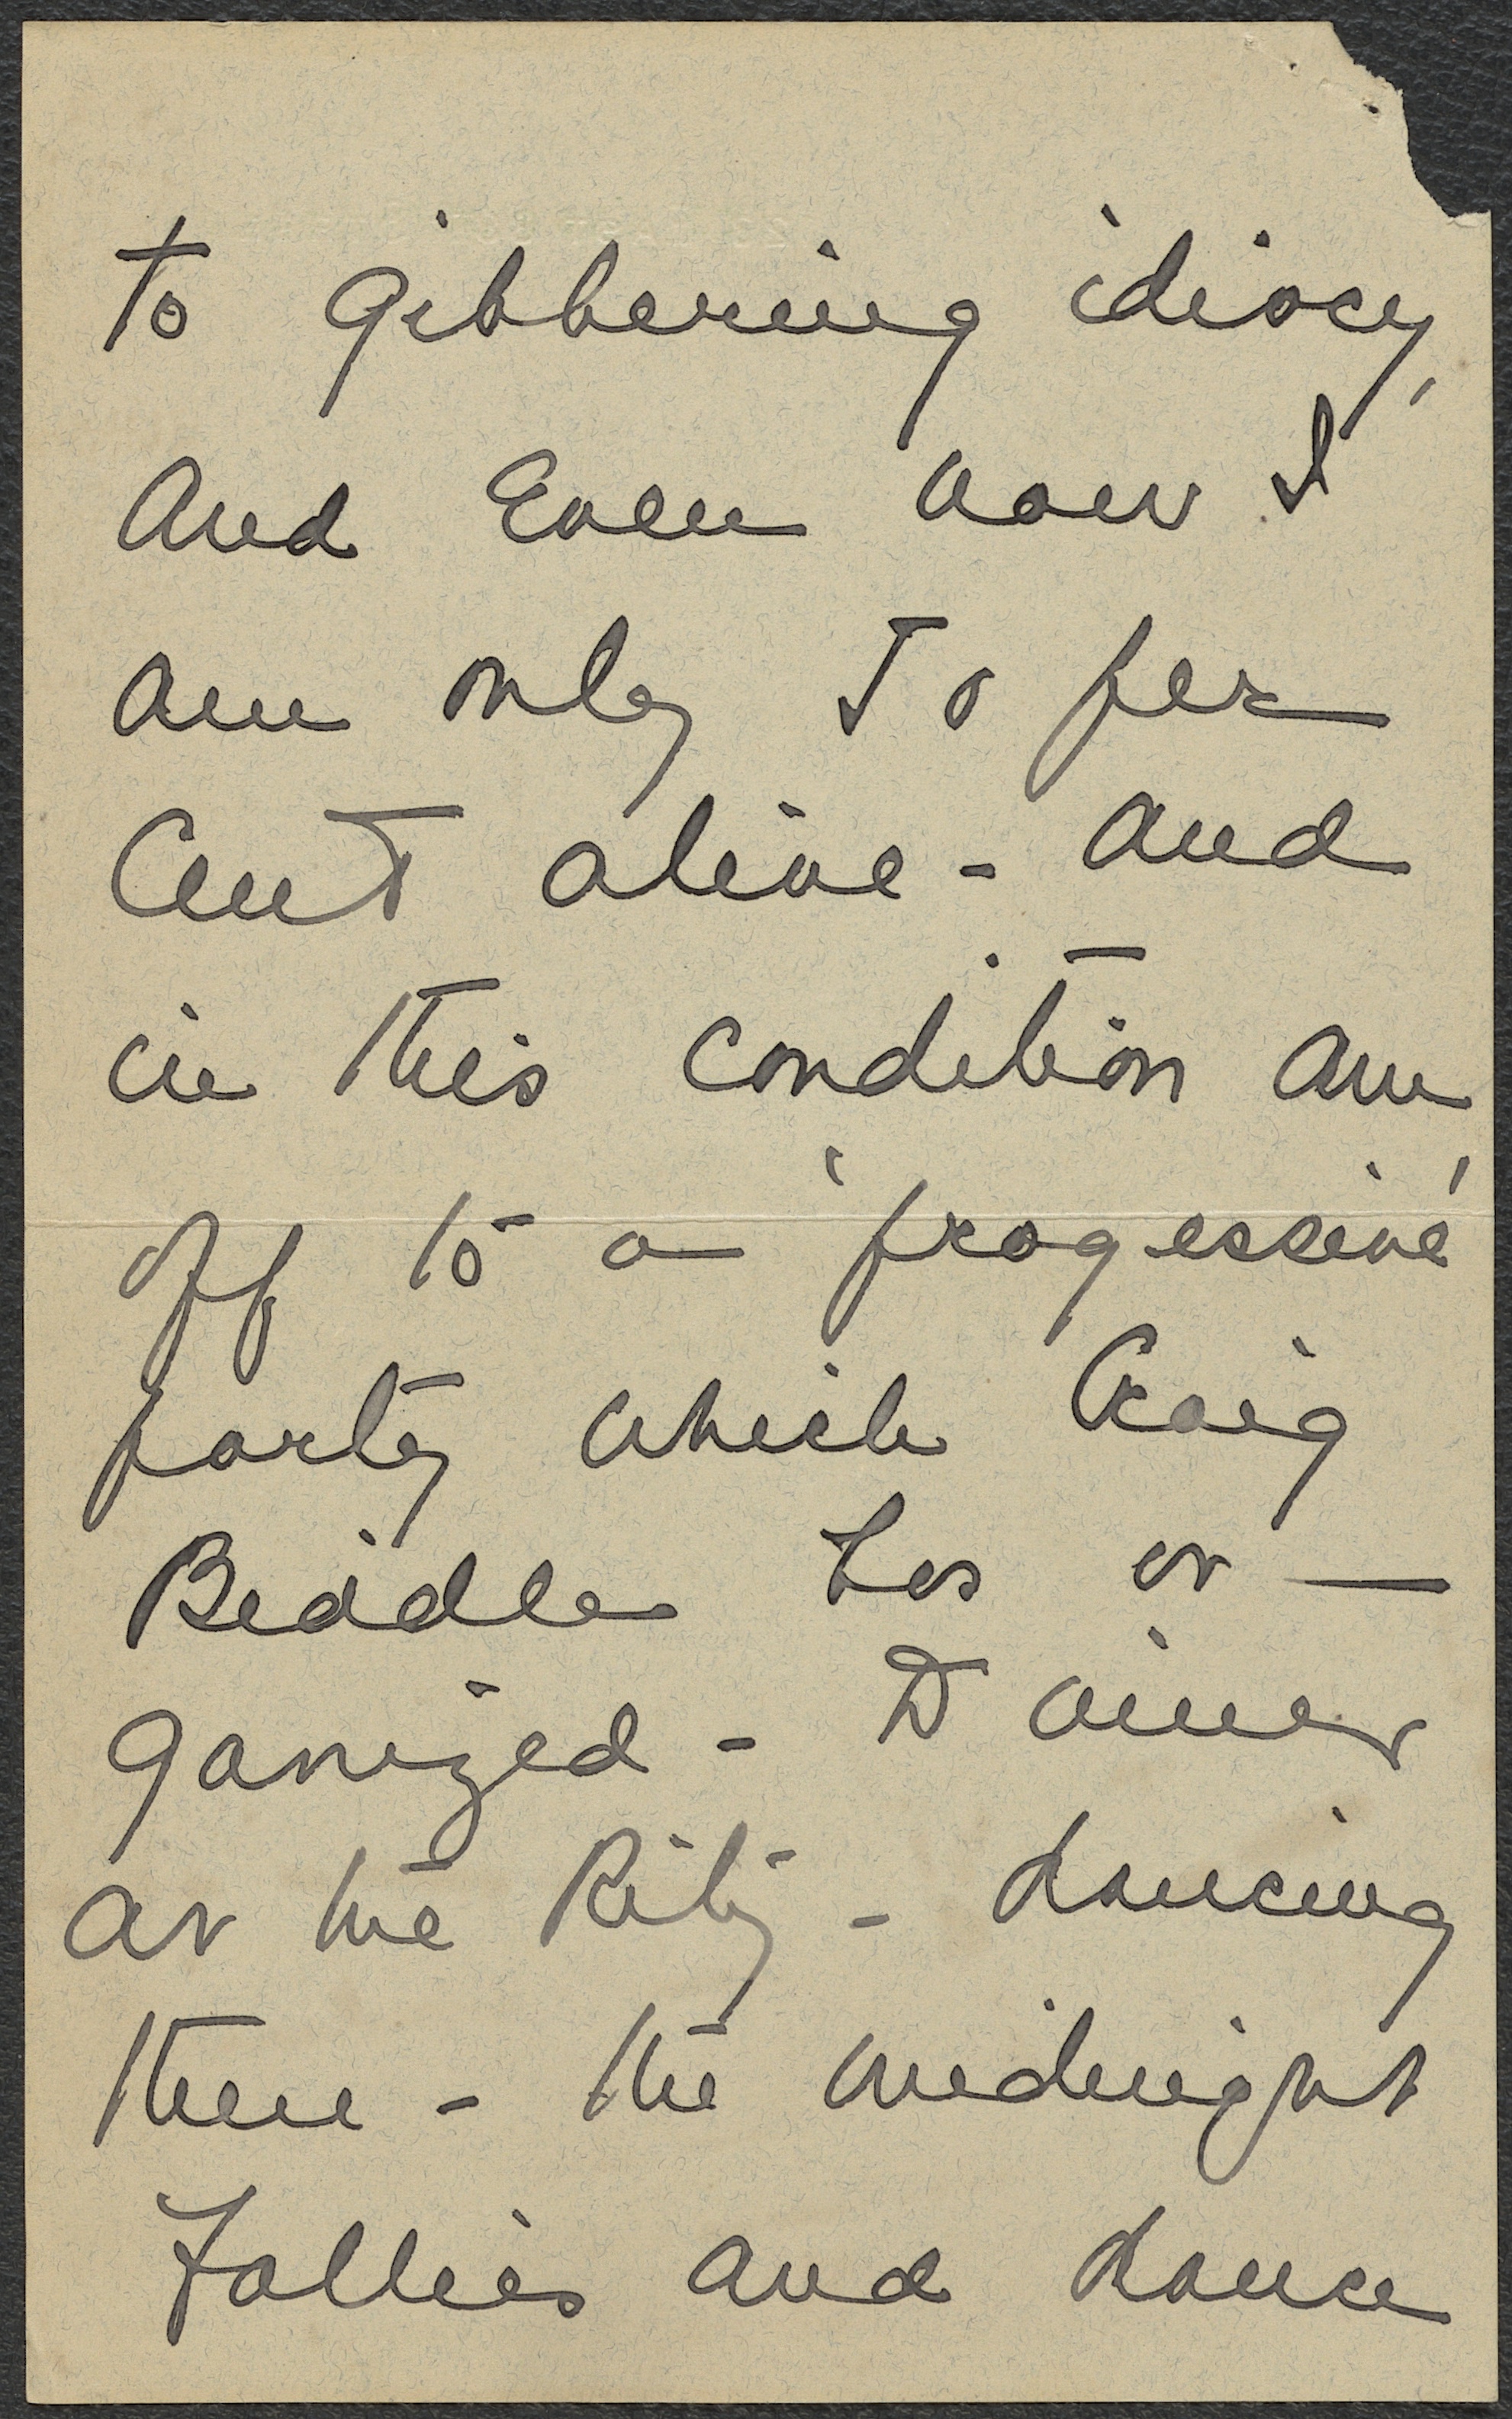to gibbering idiocy, and even now I am only 50 percent alive – and in this condition am off to a [‘progessive’ [sic] party which Craig Biddle has organized – Dinner at the Ritz – dancing there – the midnight Follies and dance